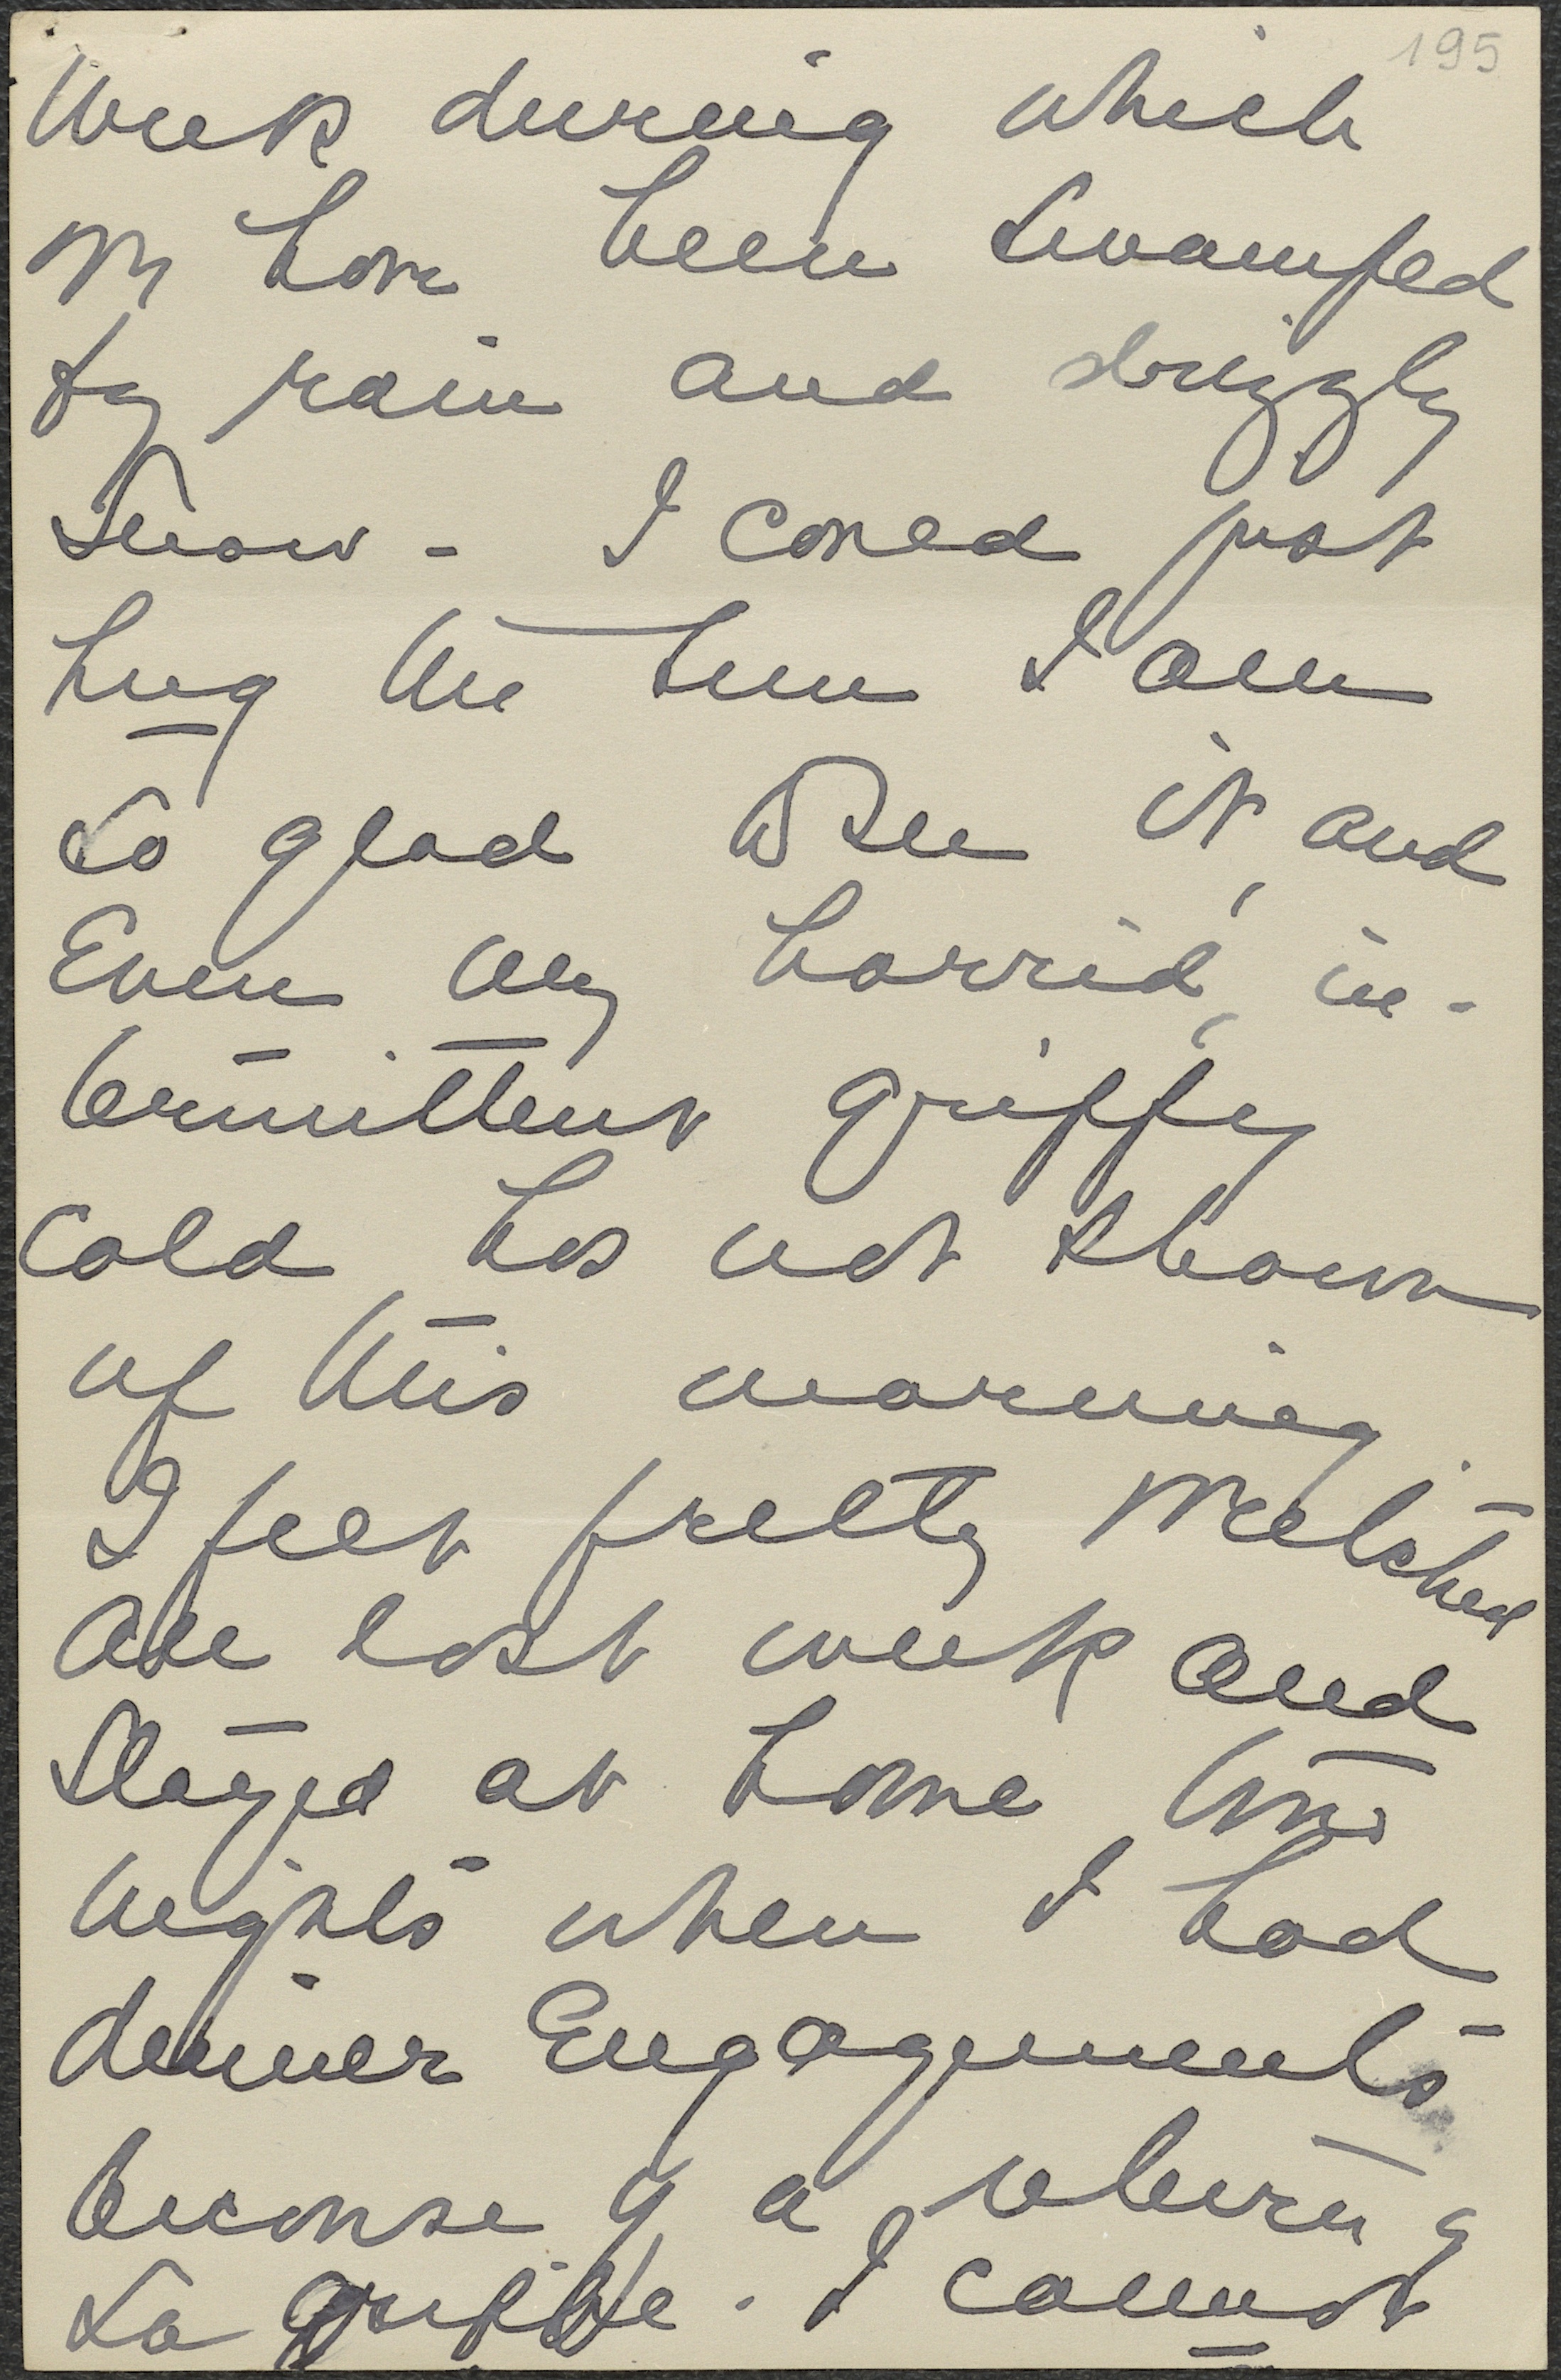week during which we have been swamped by rain and drizzly snow – I could just hug the sun I am so glad to see it and even my horrid intermittent grippy cold has not shown up this morning. I felt pretty wretched all last week and stayed at home two nights when I had dinner engagements because of a return of La grippe. I cannot